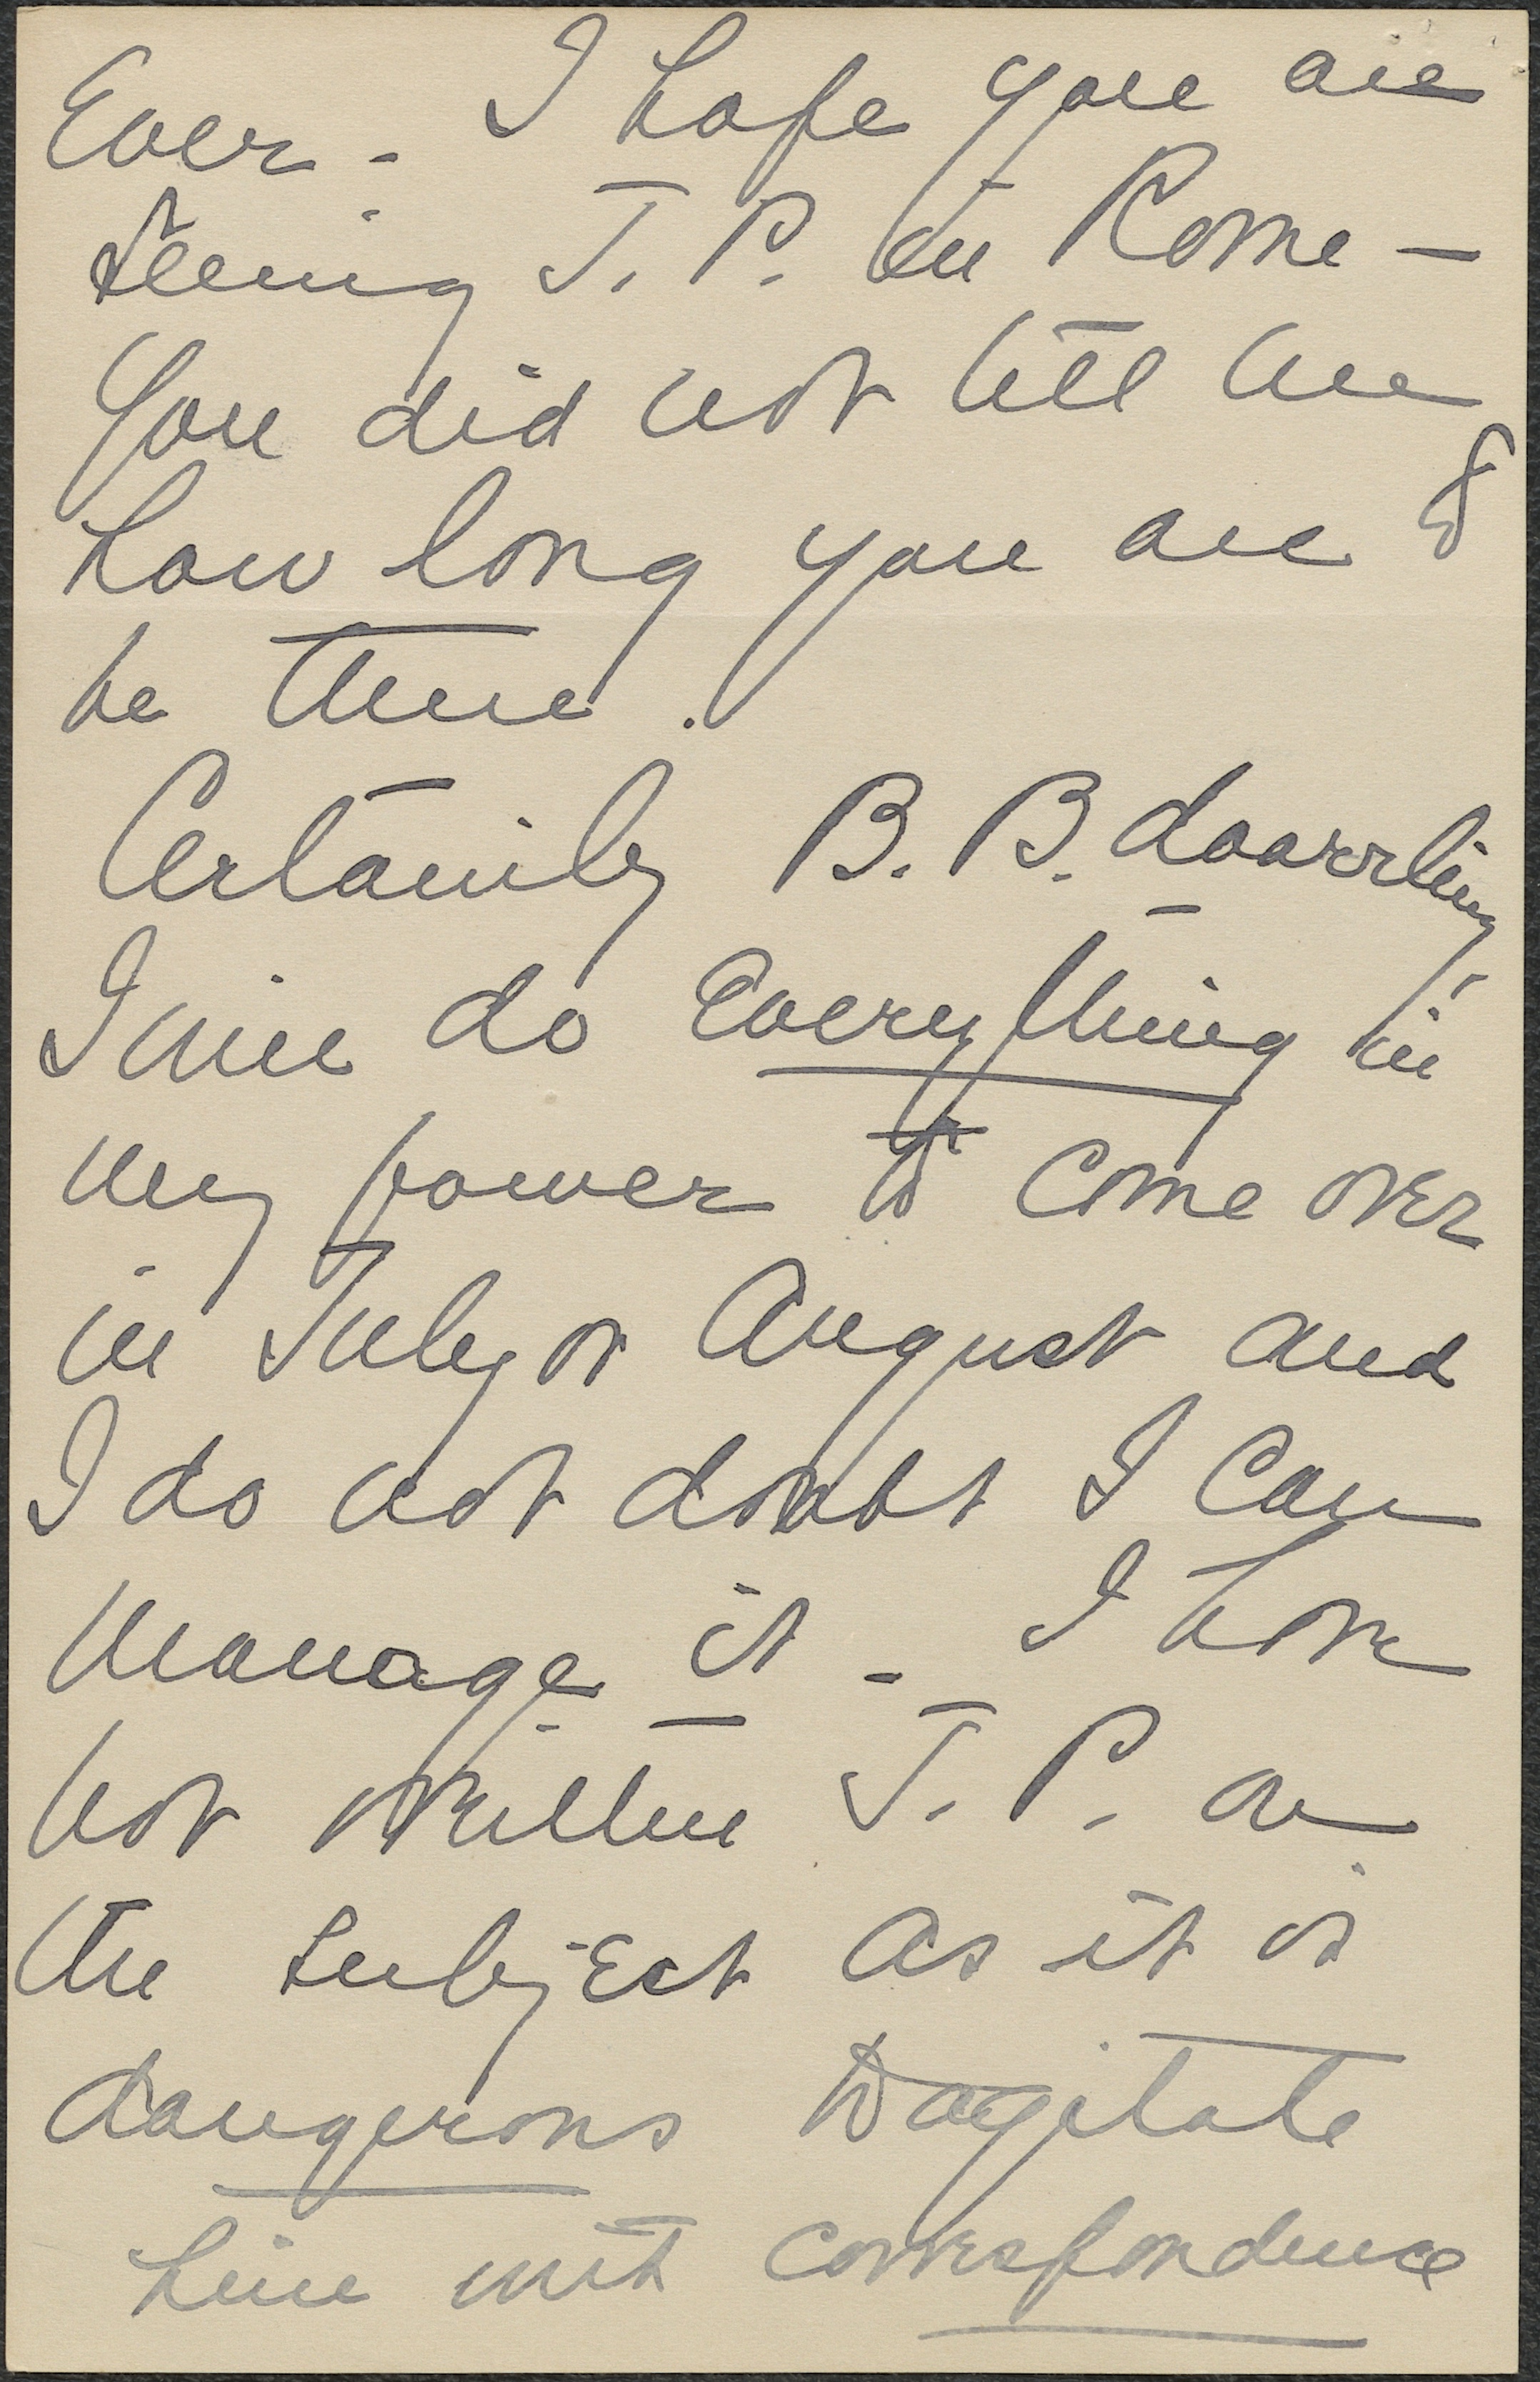ever – I hope you are seeing J. P. in Rome – You did not tell me how long you are to be there.
Certainly B. B. daarrling, I will do everything in my power to come over in July or August and I do not doubt I can manage it – I have not written J. P. on the subject as it is dangerous to agitate him with correspondence